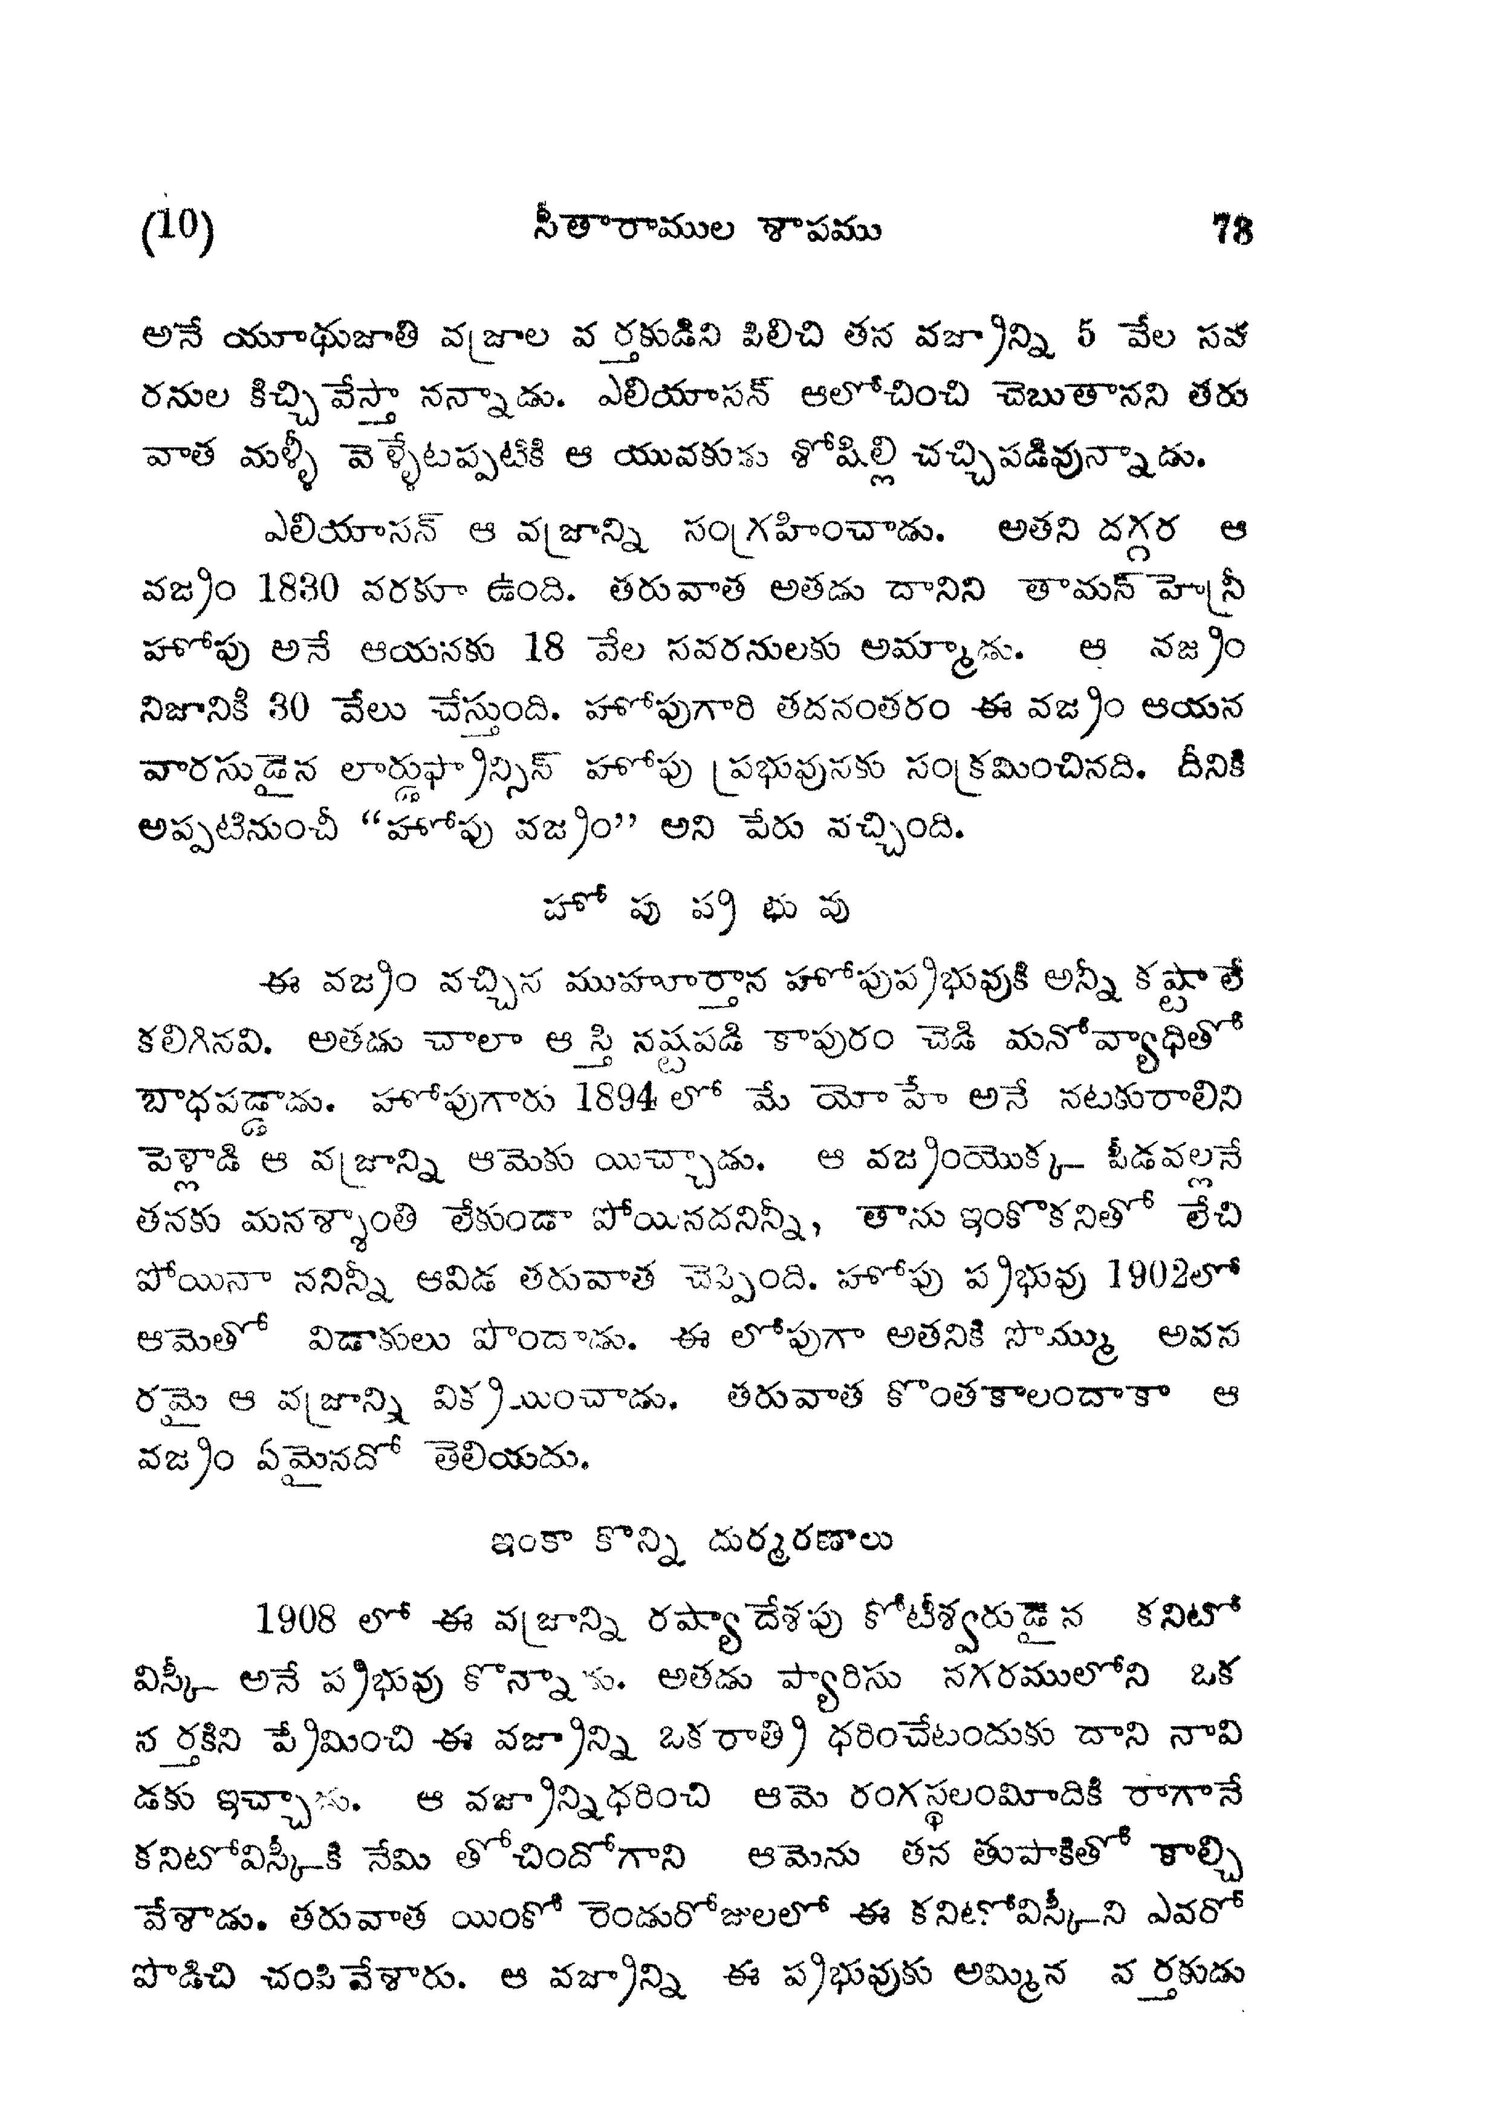అనే యూథుజాతి వజ్రాల వర్తకుడిని పిలిచి తన వజ్రాన్ని 5 వేల సవ
రనుల కిచ్చి వేస్తా నన్నాడు. ఎలియాసన్ ఆలోచించి చెబుతానని తరు
వాత మళ్ళీ వెళ్ళేటప్పటికి ఆ యువకుడు శోషిల్లి చచ్చి పడివున్నాడు.

ఎలియాసన్ ఆ వజ్రాన్ని సంగ్రహించాడు.అతని దగ్గర ఆ
వజ్రం 1880 వరకూ ఉంది. తరువాత అతడు దానిని తామస్ హెన్రీ
హోపు అనే ఆయనకు 18 వేల సవరనులకు అమ్మాడు. ఆ వజ్రం
నిజానికి 30 వేలు చేస్తుంది. హోపుగారి తదనంతరం ఈ వజ్రం ఆయన
వారసుడైన లార్డు ఫ్రాన్సిస్ హోపు ప్రభువునకు సంక్రమించినది. దీనికి
అప్పటినుంచీ “హోపు వజ్రం” అని పేరు వచ్చింది.

ఈ వజ్రం వచ్చిన ముహూర్తాన హోపుప్రభువుకి అన్నీ కష్టాలే
కలిగినవి. అతడు చాలా ఆస్తి నష్టపడి కాపురం చెడి మనోవ్యాధితో
బాధపడ్డాడు. హోపుగారు 1894 లో మే యో హే అనే నటకురాలిని
పెళ్లాడి ఆ వజ్రాన్ని ఆమెకు యిచ్చాడు. వజ్రం యొక్క పీడవల్లనే
తనకు మనశ్శాంతి లేకుండా పోయినదనిన్నీ, తాను ఇంకొకనితో లేచి
పోయినా ననిన్నీ ఆవిడ తరువాత చెప్పింది. హోపు ప్రభువు 1902లో
ఆమెతో విడాకులు పొందాడు. ఈ లోపుగా అతనికి సొమ్ము అవస
రమై ఆ వజ్రాన్ని విక్రయించాడు. తరువాత కొంత కాలందాకా
వజ్రం ఏమైనదో తెలియదు.

1908 లో ఈ వజ్రాన్ని రష్యా దేశపు కోటీశ్వరుడైన కనిటోవిస్కీ 
అనే ప్రభువు కొన్నాడు . అతడు ప్యారిసు నగరములోని ఒక
నర్తకిని ప్రేమించి ఈ వజ్రాన్ని ఒక రాత్రి ధరించేటందుకు దాని నావి
డకు ఇచ్చాడు.ఆ వజ్రాన్ని ధరించి ఆమె రంగస్థలం మీదికి రాగానే
కనిటోవిస్కీకి నేమి తోచిందోగాని ఆమెను తన తుపాకితో కాల్చి
వేశాడు. తరువాత యింకో రెండు రోజులలో ఈ కనిటోవిస్కీని ఎవరో
పొడిచి చంపి వేశారు. ఆ వజ్రాన్ని ఈ ప్రభువుకు అమ్మిన వర్తకుడు